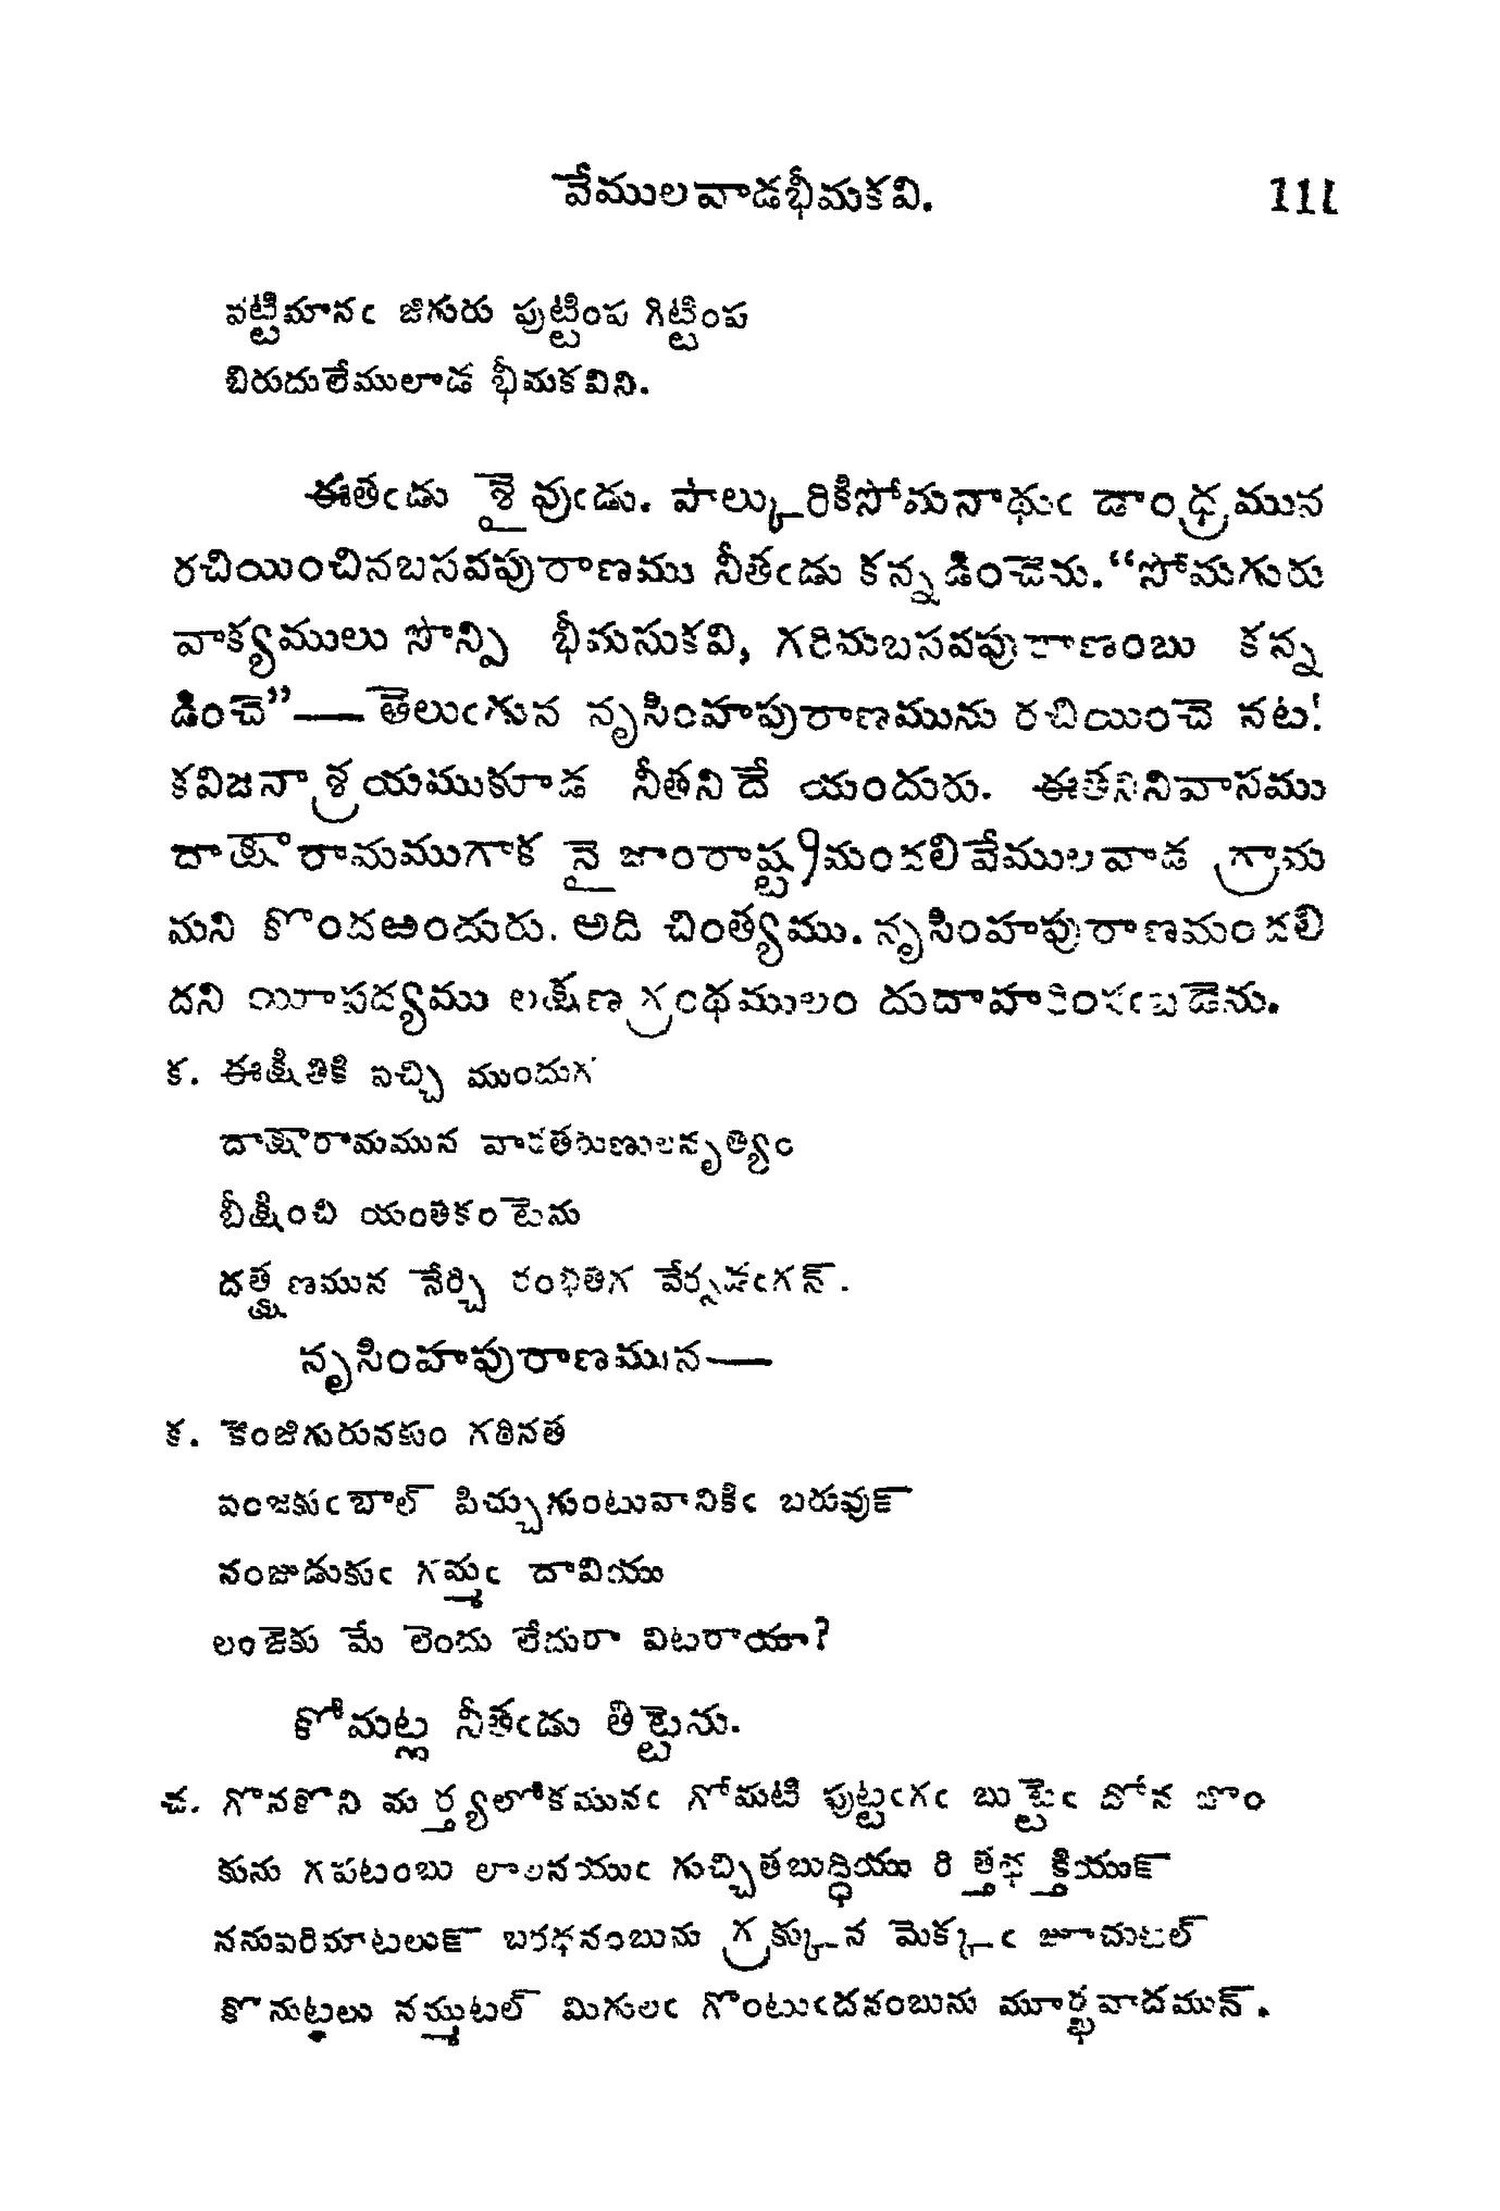వట్టిమానఁ జిగురు పుట్టింప గిట్టింప
 బిరుదు లేములాడ భీమకవిని.
ఈతఁడు శైవుఁడు. పాల్కురికిసోమనాథుఁ డాంధ్రమున రచియించిన బసవపురాణము నీతఁడు కన్నడించెను. “సోమగురువాక్యములు సొన్పి భీమసుకవి, గరిమ బసవపురాణంబు కన్నడించె”—తెలుఁగున నృసింహపురాణము రచియించె నఁట! కవిజనాశ్రయముకూడ నీతనిదే యందురు. ఈతని నివాసము దాక్షారామముగాక నైజాంరాష్ట్రమందలి వేములవాడ గ్రామమని కొందఱందురు. అది చింత్యము. నృసింహపురాణమందలిదని యీపద్యము లక్షణగ్రంధములం దుదాహరింపఁబడెను.
క. ఈక్షితికి వచ్చి ముందుగ
 దాక్షారామమున వారతరుణులనృత్యం
 బీక్షించి యంతకంటెను
 దత్క్షణమున నేర్చి రంభ తగ వేర్పడఁగన్
నృసింహపురాణమున—
క. కెంజిగురునకుం గఠినత
 వంజకుఁ బాల్ పిచ్చుగుంటువానికిఁ బరువున్
 నంజుడుకుఁ గమ్మఁ దావియు
 లంజెకు మే లెందు లేదురా విటరాయా!
కోమట్ల నీతఁడు తిట్టెను.
చ. గొనకొని మర్త్యలోకమునఁ గోమటి పుట్టఁగఁ బుట్టెఁ దోన బొం
 కును గపటంబు లాలనయుఁ గుచ్చిబుద్ధియు రిత్తభక్తియున్
 ననువరిమాటలున్ బరధనంబును గ్రక్కున మెక్కఁ జూచుటల్
 కొనుటలు నమ్ముటల్ మిగులఁ గొంటుఁదనంబును మూర్ఖవాదమున్.